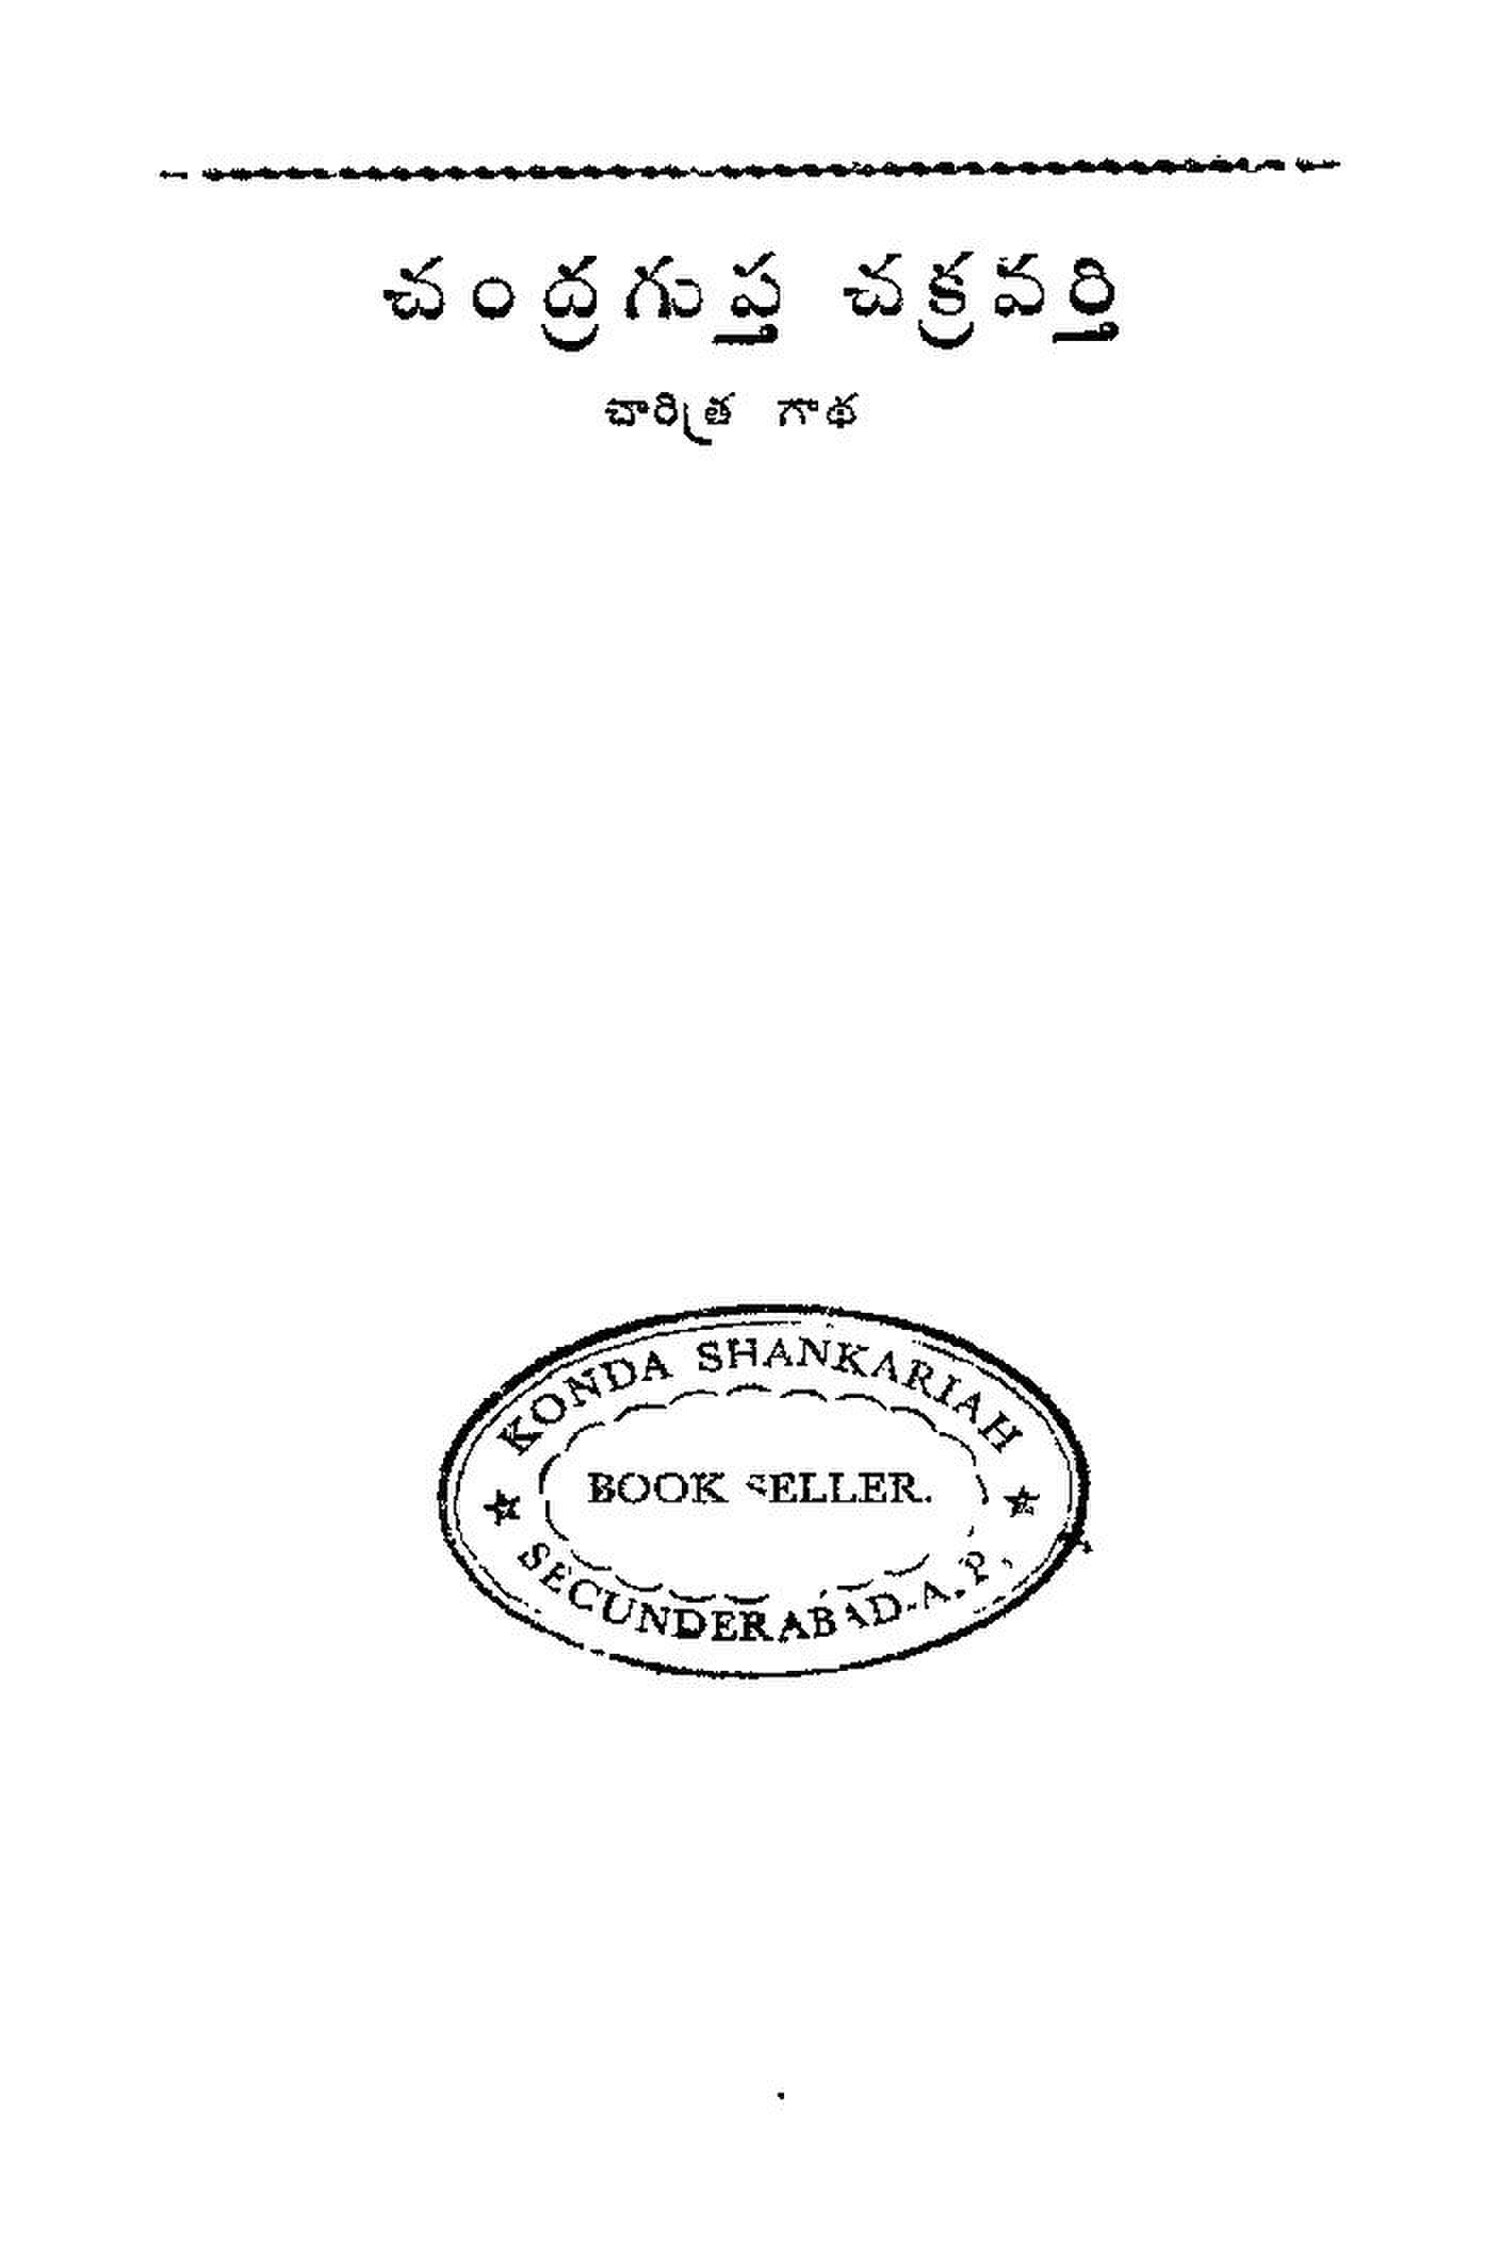చంద్రగుప్త చక్రవర్తి

చారిత్ర గాథ